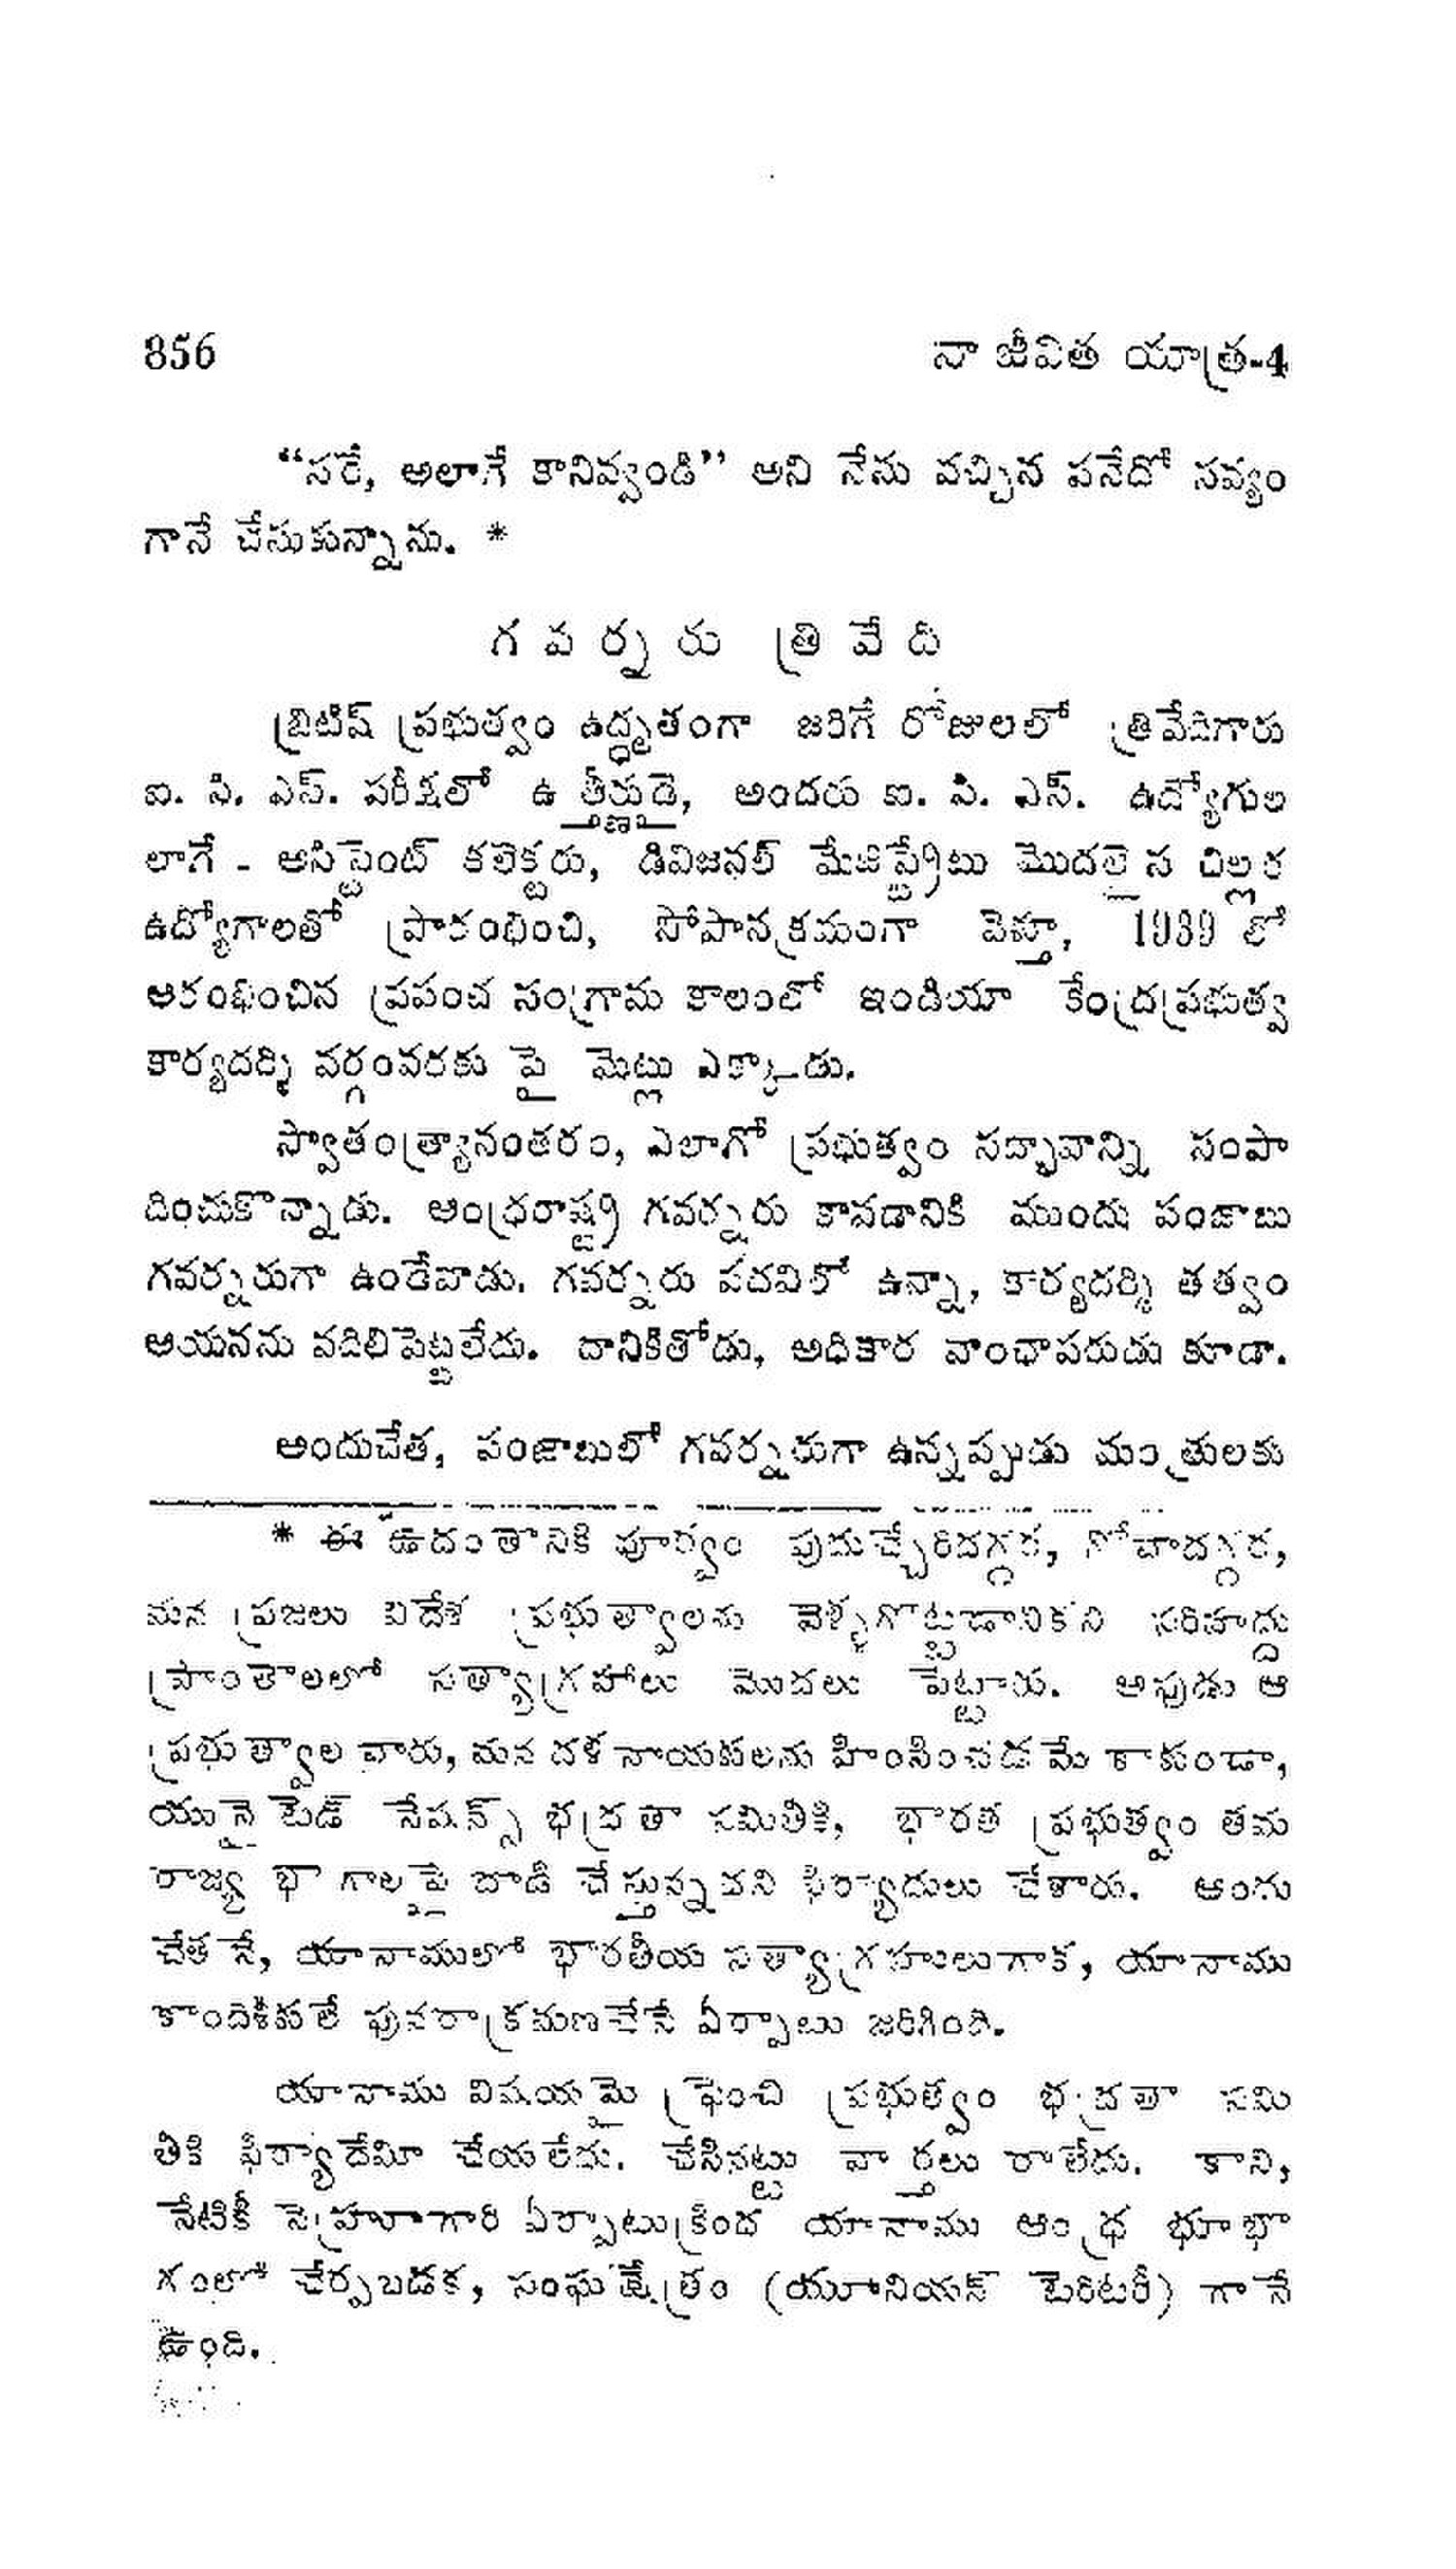"సరే, అలాగే కానివ్వండి" అని నేను వచ్చిన పనేదో సవ్యంగానే చేసుకున్నాను. 

బ్రిటిష్ ప్రభుత్వం ఉద్ధృతంగా జరిగే రోజులలో త్రివేదిగారు ఐ. సి. ఎస్. పరీక్షలో ఉత్తీర్ణుడై, అందరు ఐ. సి.ఎస్. ఉద్యోగులలాగే - అసిస్టెంట్ కలెక్టరు, డివిజనల్ మేజిస్ట్రేటు మొదలైన చిల్లర ఉద్యోగాలతో ప్రారంభించి, సోపానక్రమంగా వెళ్తూ, 1939 లో ఆరంభించిన ప్రపంచ సంగ్రామ కాలంలో ఇండియా కేంద్రప్రభుత్వ కార్యదర్శి వర్గంవరకు పై మెట్లు ఎక్కాడు.

స్వాతంత్ర్యానంతరం, ఎలాగో ప్రభుత్వం సద్భావాన్ని సంపాదించుకొన్నాడు. ఆంధ్రరాష్ట్ర గవర్నరు కావడానికి ముందు పంజాబు గవర్నరుగా ఉండేవాడు. గవర్నరు పదవిలో ఉన్నా, కార్యదర్శి తత్వం ఆయనను వదిలిపెట్టలేదు. దానికితోడు, అధికార వాంఛాపరుడు కూడా.

అందుచేత, పంజాబులో గవర్నరుగా ఉన్నప్పుడు మంత్రులకు